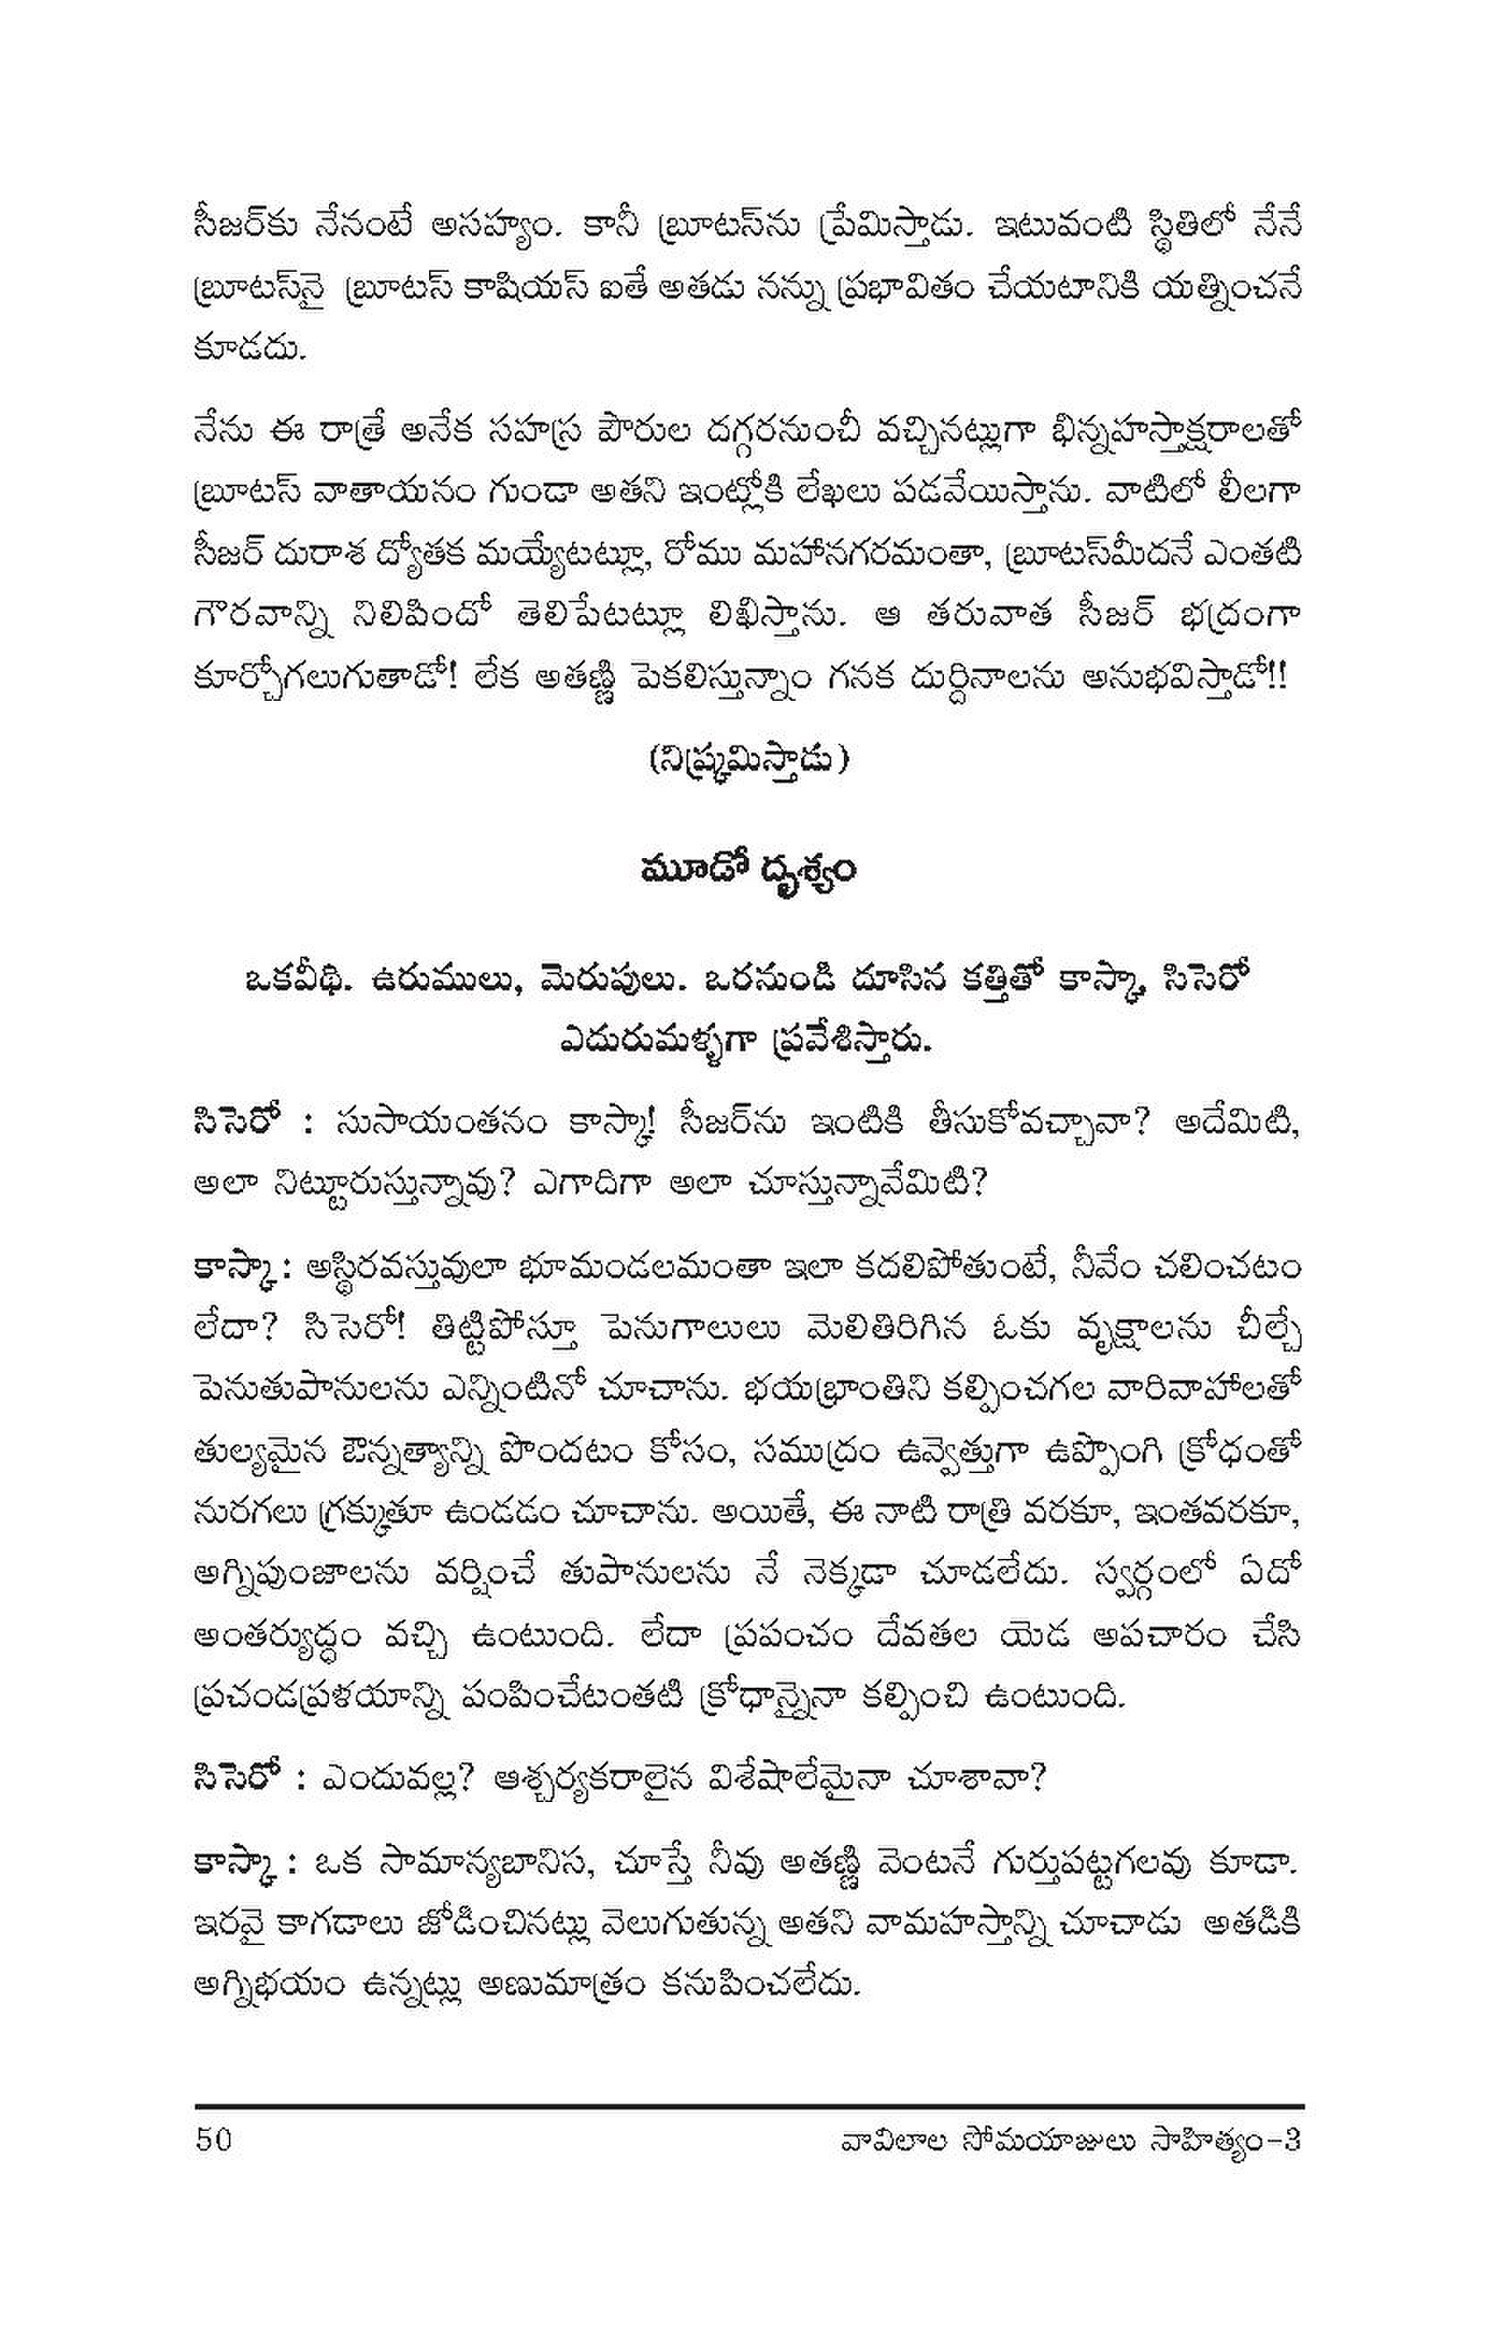సీజర్ కు నేనంటే అసహ్యం. కానీ బ్రూటస్ ను ప్రేమిస్తాడు. ఇటువంటి స్థితిలో నేనే బ్రూటస్ నై బ్రూటస్ కాషియస్ ఐతే అతడు నన్ను ప్రభావితం చేయటానికి యత్నించనే కూడదు.

నేను ఈ రాత్రే అనేక సహస్ర పౌరుల దగ్గరనుంచీ వచ్చినట్లుగా భిన్నహస్తాక్షరాలతో బ్రూటస్ వాతాయనం గుండా అతని ఇంట్లోకి లేఖలు పడవేయిస్తాను. వాటిలో లీలగా సీజర్ దురాశ ద్యోతక మయ్యేటట్లూ, రోము మహానగరమంతా, బ్రూటస్ మీదనే ఎంతటి గౌరవాన్ని నిలిపిందో తెలిపేటట్లు లిఖిస్తాను. ఆ తరువాత సీజర్ భద్రంగా కూర్చోగలుగుతాడో! లేక అతణ్ణి పెకలిస్తున్నాం గనక దుర్దినాలను అనుభవిస్తాడో!!

సిసెరో : సుసాయంతనం కాస్కా! సీజర్ను ఇంటికి తీసుకోవచ్చావా? అదేమిటి, అలా నిట్టూరుస్తున్నావు? ఎగాదిగా అలా చూస్తున్నావేమిటి?

కాస్కా : అస్థిరవస్తువులా భూమండలమంతా ఇలా కదలిపోతుంటే, నీవేం చలించటం లేదా? సిసెరో! తిట్టిపోస్తూ పెనుగాలులు మెలితిరిగిన ఓకు వృక్షాలను చీల్చే పెనుతుపానులను ఎన్నింటినో చూచాను. భయభ్రాంతిని కల్పించగల వారివాహాలతో తుల్యమైన ఔన్నత్యాన్ని పొందటం కోసం, సముద్రం ఉవ్వెత్తుగా ఉప్పొంగి క్రోధంతో నురగలు గ్రక్కుతూ ఉండడం చూచాను. అయితే, ఈ నాటి రాత్రి వరకూ, ఇంతవరకూ, అగ్నిపుంజాలను వర్షించే తుపానులను నే నెక్కడా చూడలేదు. స్వర్గంలో ఏదో అంతర్యుద్ధం వచ్చి ఉంటుంది. లేదా ప్రపంచం దేవతల యెడ అపచారం చేసి ప్రచండ ప్రళయాన్ని పంపించేటంతటి క్రోధాన్నైనా కల్పించి ఉంటుంది.

సిసెరో : ఎందువల్ల? ఆశ్చర్యకరాలైన విశేషాలేమైనా చూశావా?

కాస్కా : ఒక సామాన్యబానిస, చూస్తే నీవు అతణ్ణి వెంటనే గుర్తుపట్టగలవు కూడా. ఇరవై కాగడాలు జోడించినట్లు వెలుగుతున్న అతని వామహస్తాన్ని చూచాడు అతడికి అగ్నిభయం ఉన్నట్లు అణుమాత్రం కనుపించలేదు.